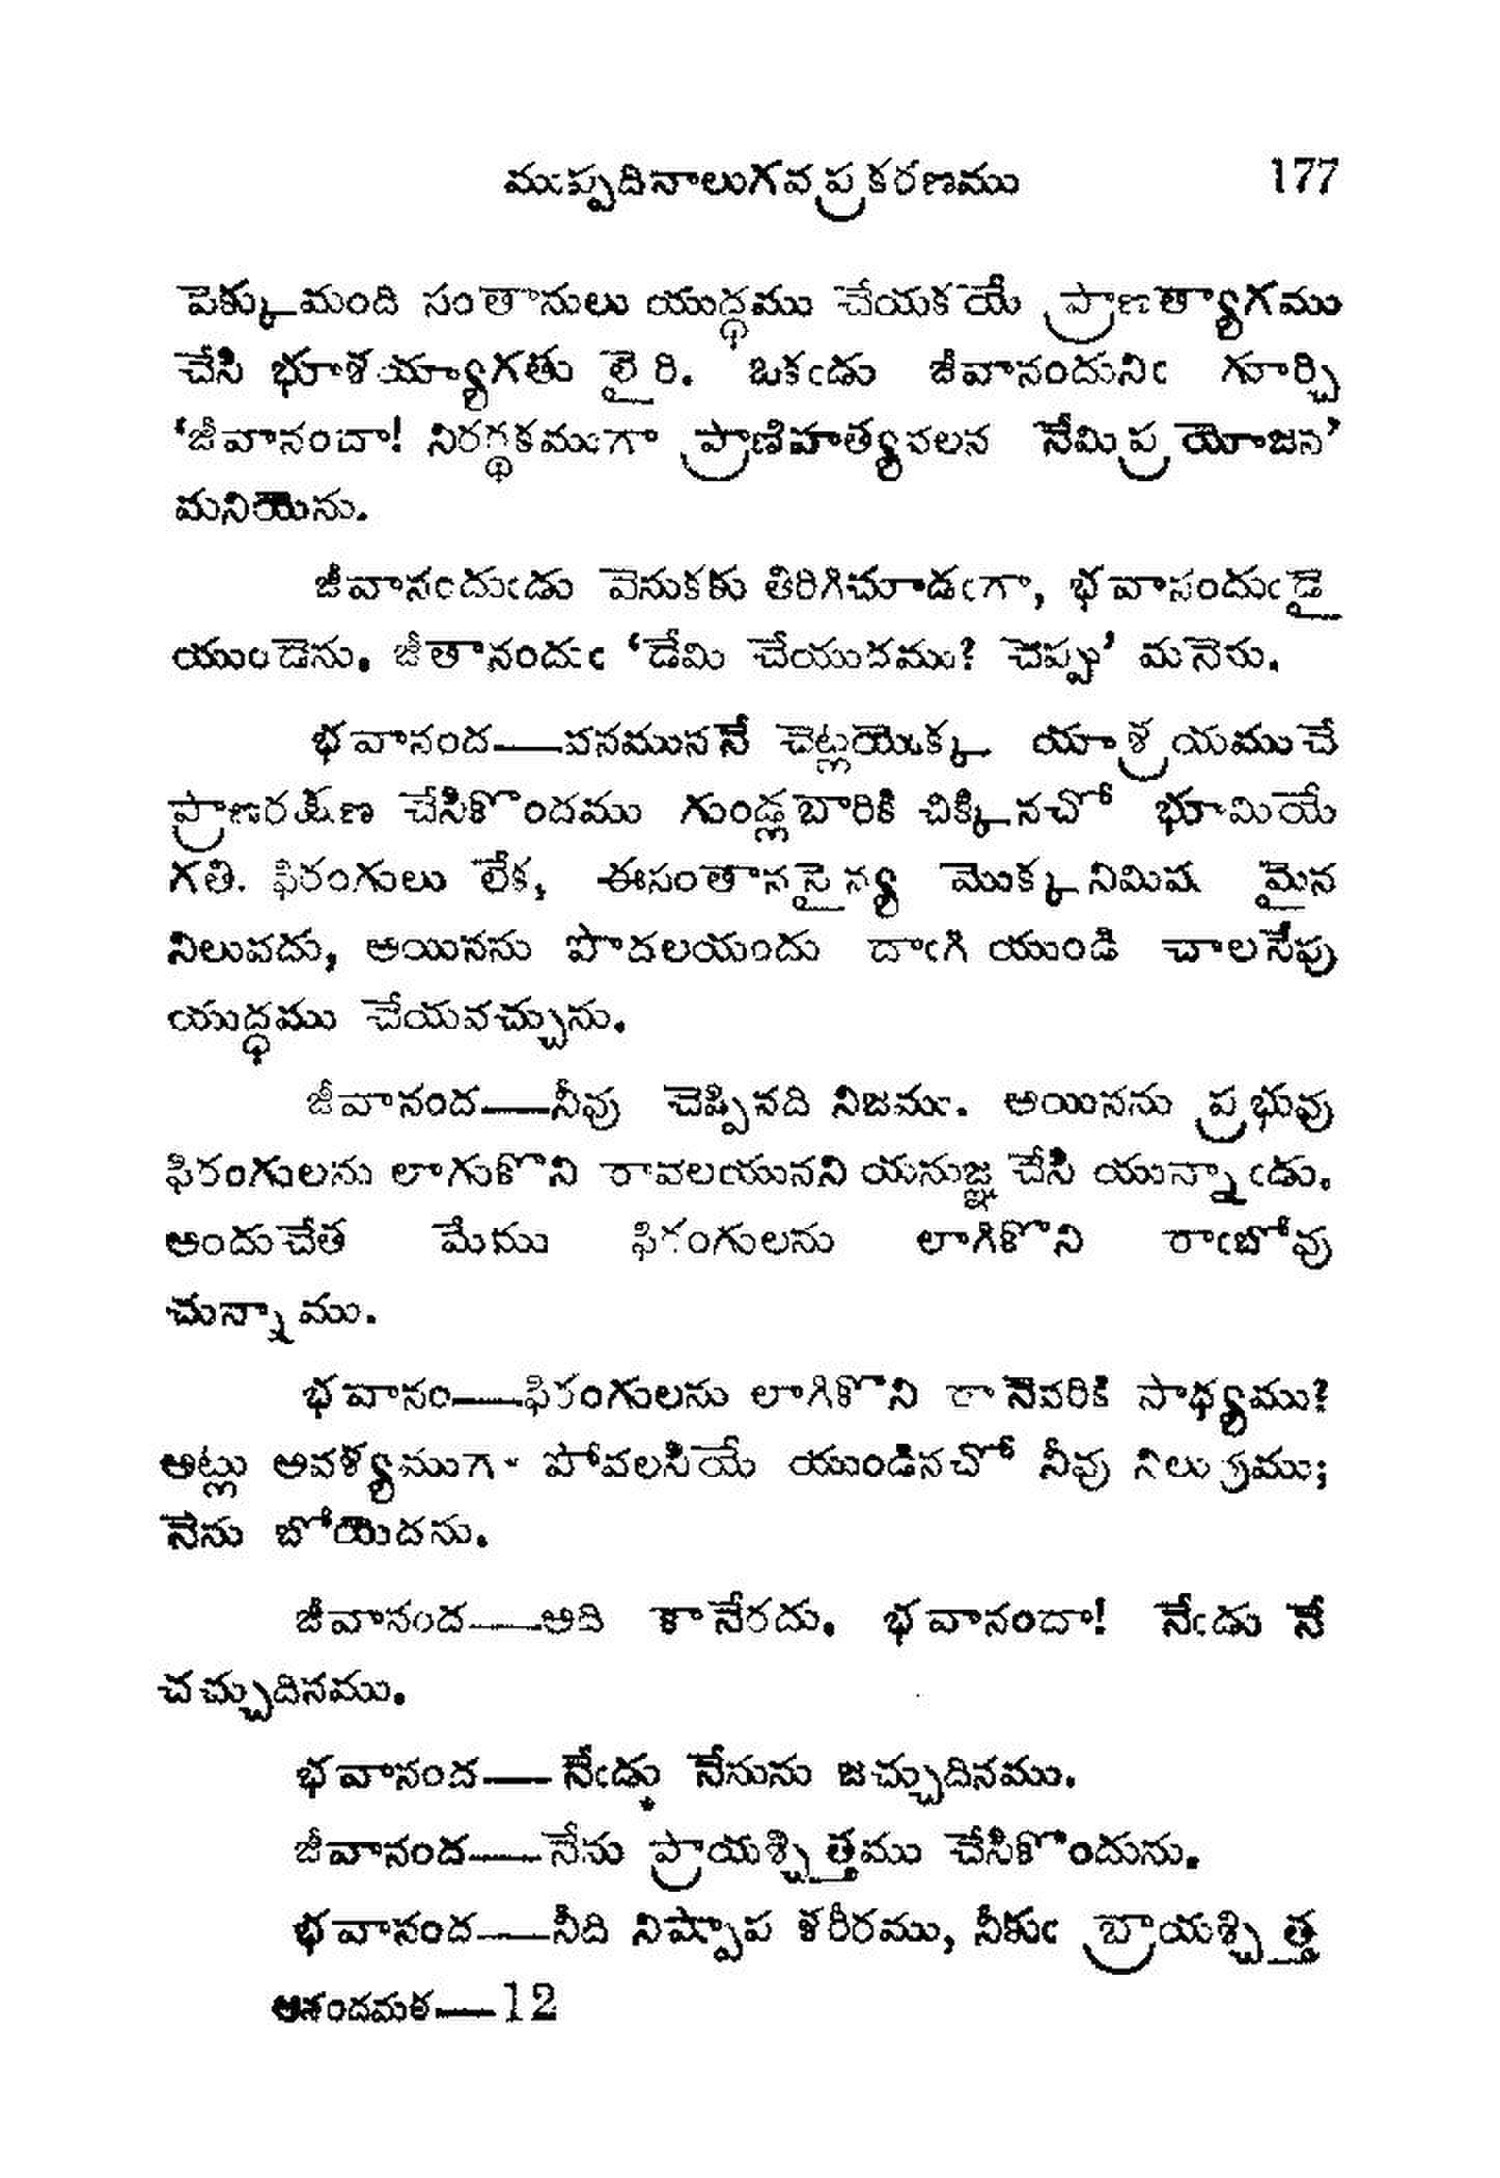పెక్కుమంది సంతానులు యుద్ధము చేయకయే ప్రాణత్యాగము చేసి భూశయ్యాగతు లైరి. 'ఒకఁడు జీవానందునిఁ గూర్చి
'జీవానంచా! నిరర్థకముగా ప్రాణిహత్య వలన నేమి ప్రయోజన"మనియెను.

జీవానందుఁడు వెనుకకు తిరిగి చూడఁగా, భవానందుఁడై యుండెను. జీతానందఁ 'డేమి చేయుదము? చెప్పు' మనేను,

భవానంద——వనముననే చెట్ల యొక్క యాశ్రయముచే ప్రాణరక్షణ చేసికొందము గుండ్ల బారికి చిక్కినచో భూమియే గతి. ఫిరంగులు లేక, ఈసంతాన సైన్య మొక్క నిమిష 'మైన నిలువదు, అయినను పొదలయందు దాఁగి యుండి చాల సేపు
యుద్ధము చేయవచ్చును.

జీవానంద—— నీవు చెప్పినది నిజము. అయినను ప్రభువు ఫిరంగులను లాగుకొని రావలయునని యనుజ్ఞ చేసి యున్నాఁడు.
అందుచేత మేము ఫిరంగులను లాగికోని రాఁబోవు చున్నాము.

భవానం—— ఫిరంగులను లాగికొని రానెవరికి సాధ్యము? అట్లు అవశ్యముగా పోవలసియే యుండినచో నీవు నిలువుము;
నేను బోయెదను.

జీవానంద——అది కానేరదు, భవానందా! నేఁడు 'నే చచ్చుదినము.

భవానంద—— నేడు 'నేనును జచ్చుదినము.

జీవానంద—— నేను ప్రాయశ్చిత్తము చేసికొందును.

భవానంద——నీది నిష్పాప శరీరము, నీకుఁ బ్రాయశ్చిత్త